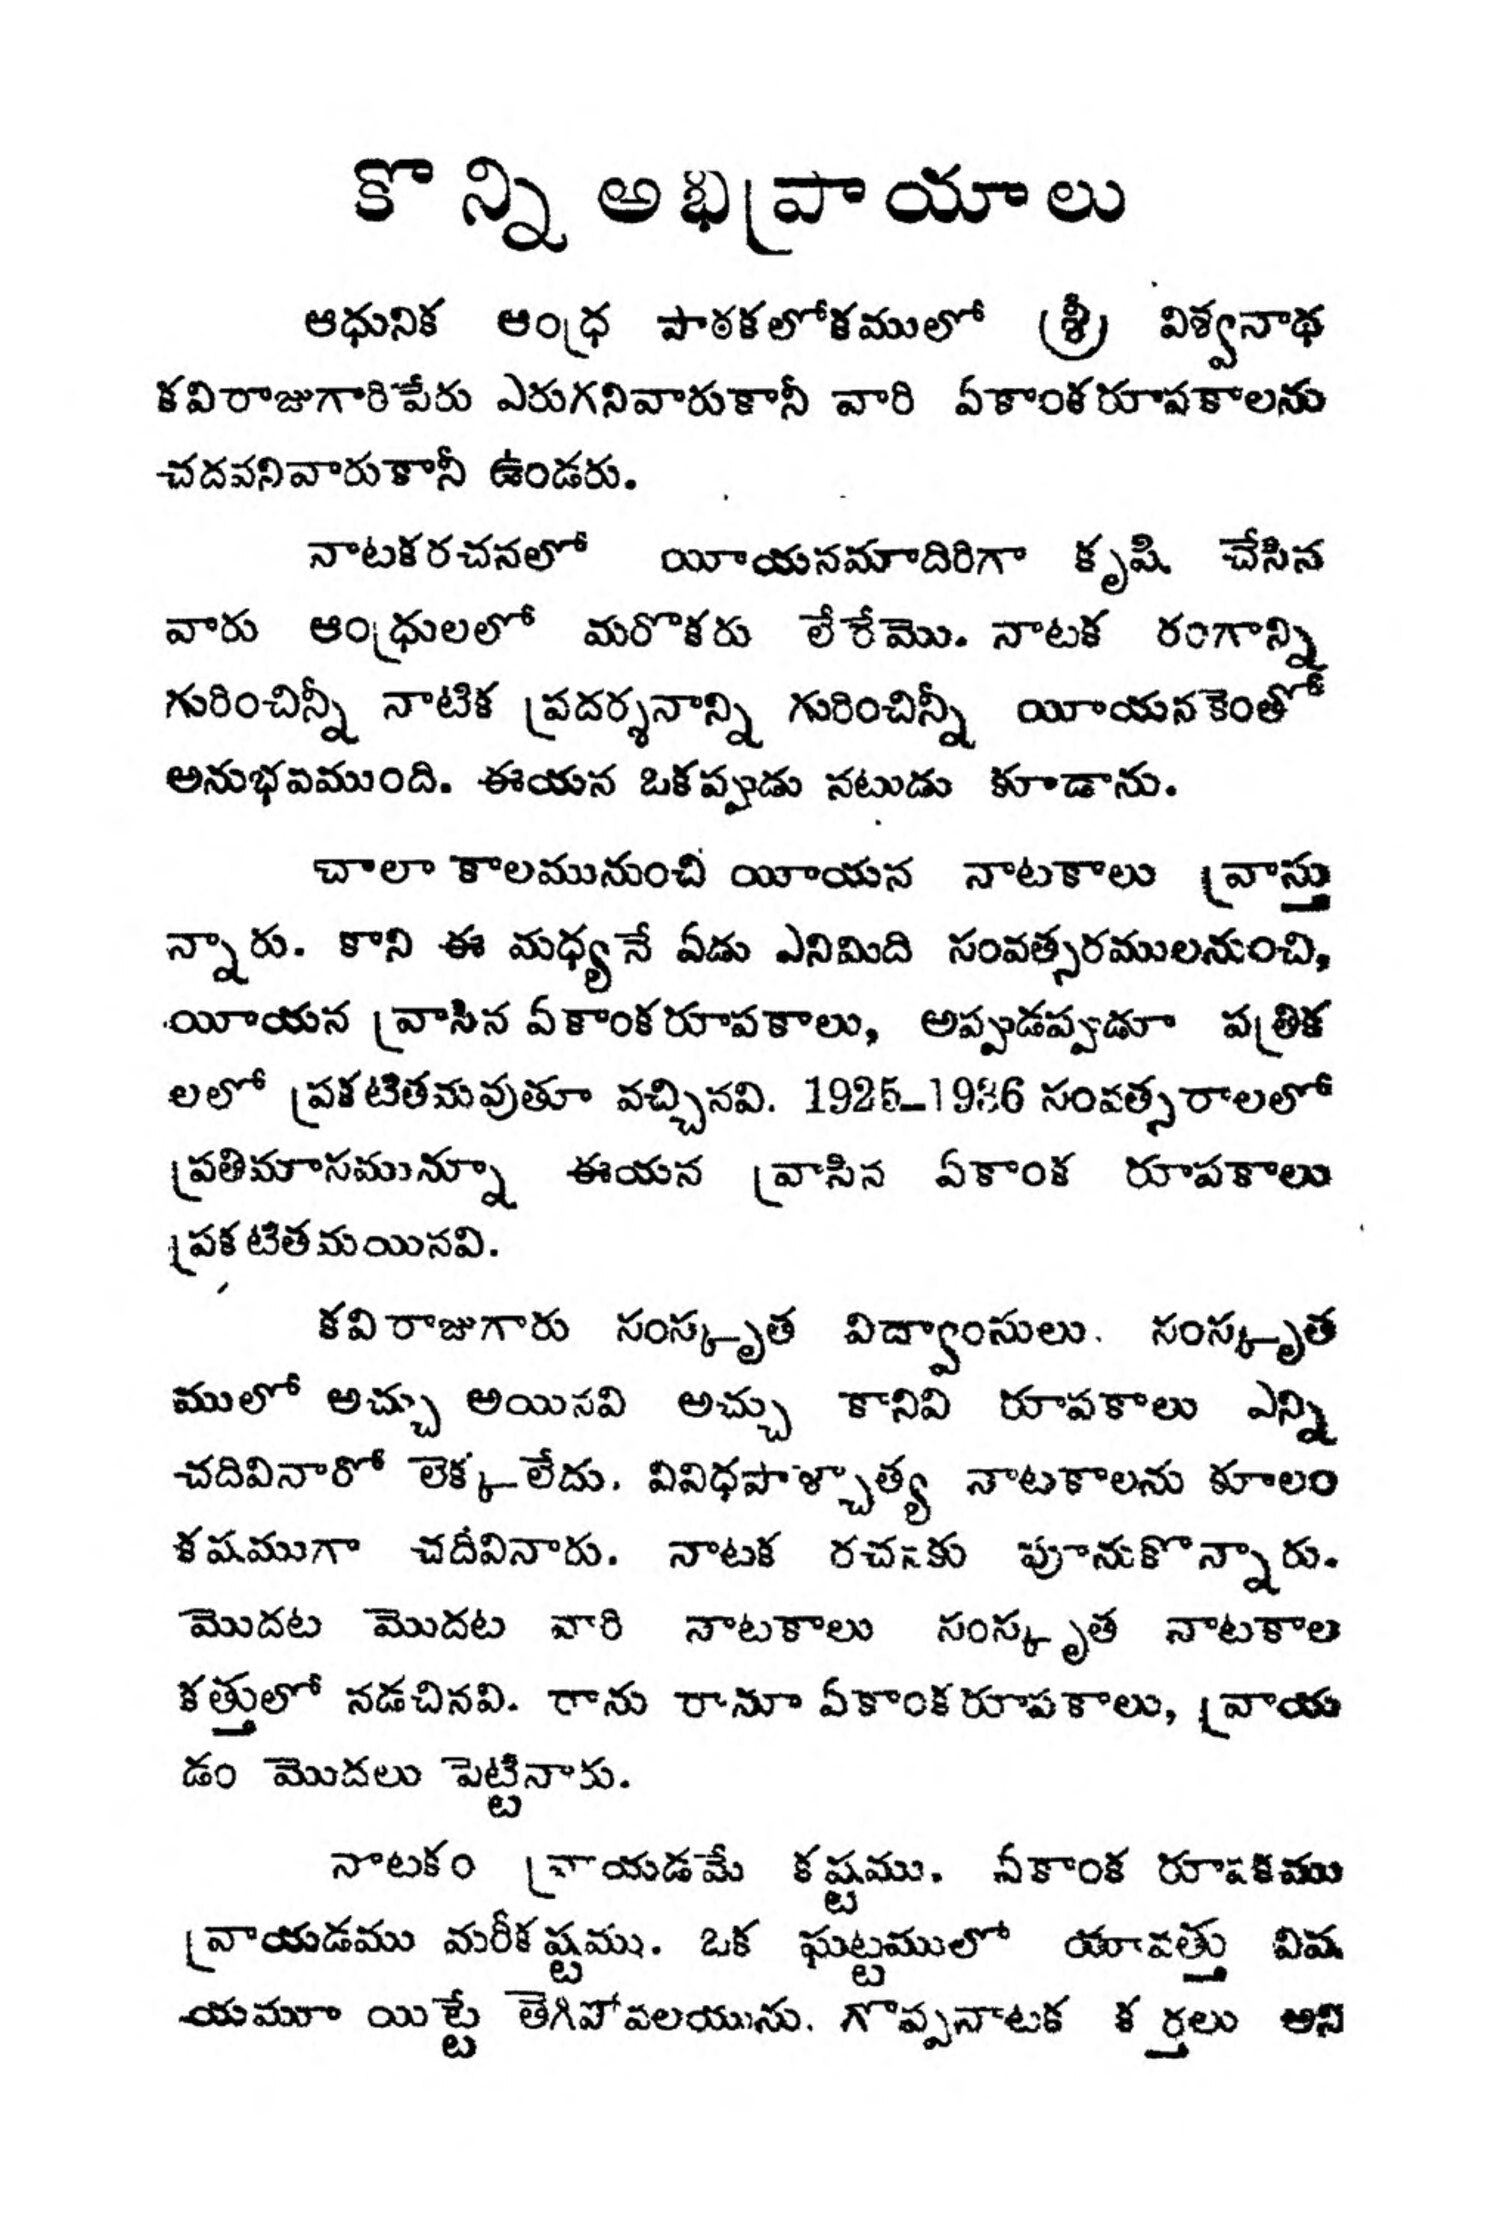కొన్ని అభిప్రాయాలు

ఆధునిక ఆంధ్ర పాఠకలోకములో శ్రీ విశ్వనాథ కవిరాజుగారిపేరు ఎరుగనివారుకానీ వారి ఏకాంకరూపకాలను
చదవనివారుకానీ ఉండరు.

నాటకరచనలో యీయనమాదిరిగా కృషి చేసిన వారు ఆంధ్రులలో మరొకరు లేరేమొ. నాటక రంగాన్ని గురించిన్నీ నాటిక ప్రదర్శనాన్ని గురించిన్నీ యీయనకెంతో అనుభవముంది. ఈయన ఒకప్పుడు నటుడు కూడాను.

చాలా కాలమునుంచి యీయన నాటకాలు వ్రాస్తున్నారు. కాని ఈ మధ్యనే ఏడు ఎనిమిది సంవత్సరములనుంచి,
యీయన వ్రాసిన ఏకాంకరూపకాలు, అప్పుడప్పుడూ పత్రికలలో ప్రకటితమవుతూ వచ్చినవి. 1925-1936 సంవత్సరాలలో ప్రతిమాసమున్నూ ఈయన వ్రాసిన ఏకాంక రూపకాలు ప్రకటితమయినవి.

కవిరాజుగారు సంస్కృత విద్వాంసులు. సంస్కృతములో అచ్చు అయినవి అచ్చు కానివి రూపకాలు ఎన్ని చదివినారో లెక్క లేదు. వివిధపాశ్చాత్య నాటకాలను కూలంకషముగా చదివినారు. నాటక రచనకు పూనుకొన్నారు. మొదట మొదట వారి నాటకాలు సంస్కృత నాటకాల కత్తులో నడచినవి. రాను రానూ ఏకాంకరూపకాలు, వ్రాయడం మొదలు పెట్టినారు.

నాటకం వ్రాయడమే కష్టము, ఏకాంక రూపకము వ్రాయడము మరీకష్టము. ఒక ఘట్టములో యావత్తు విషయమూ యిట్టే తెగిపోవలయును. గొప్పనాటక కర్తలు అని